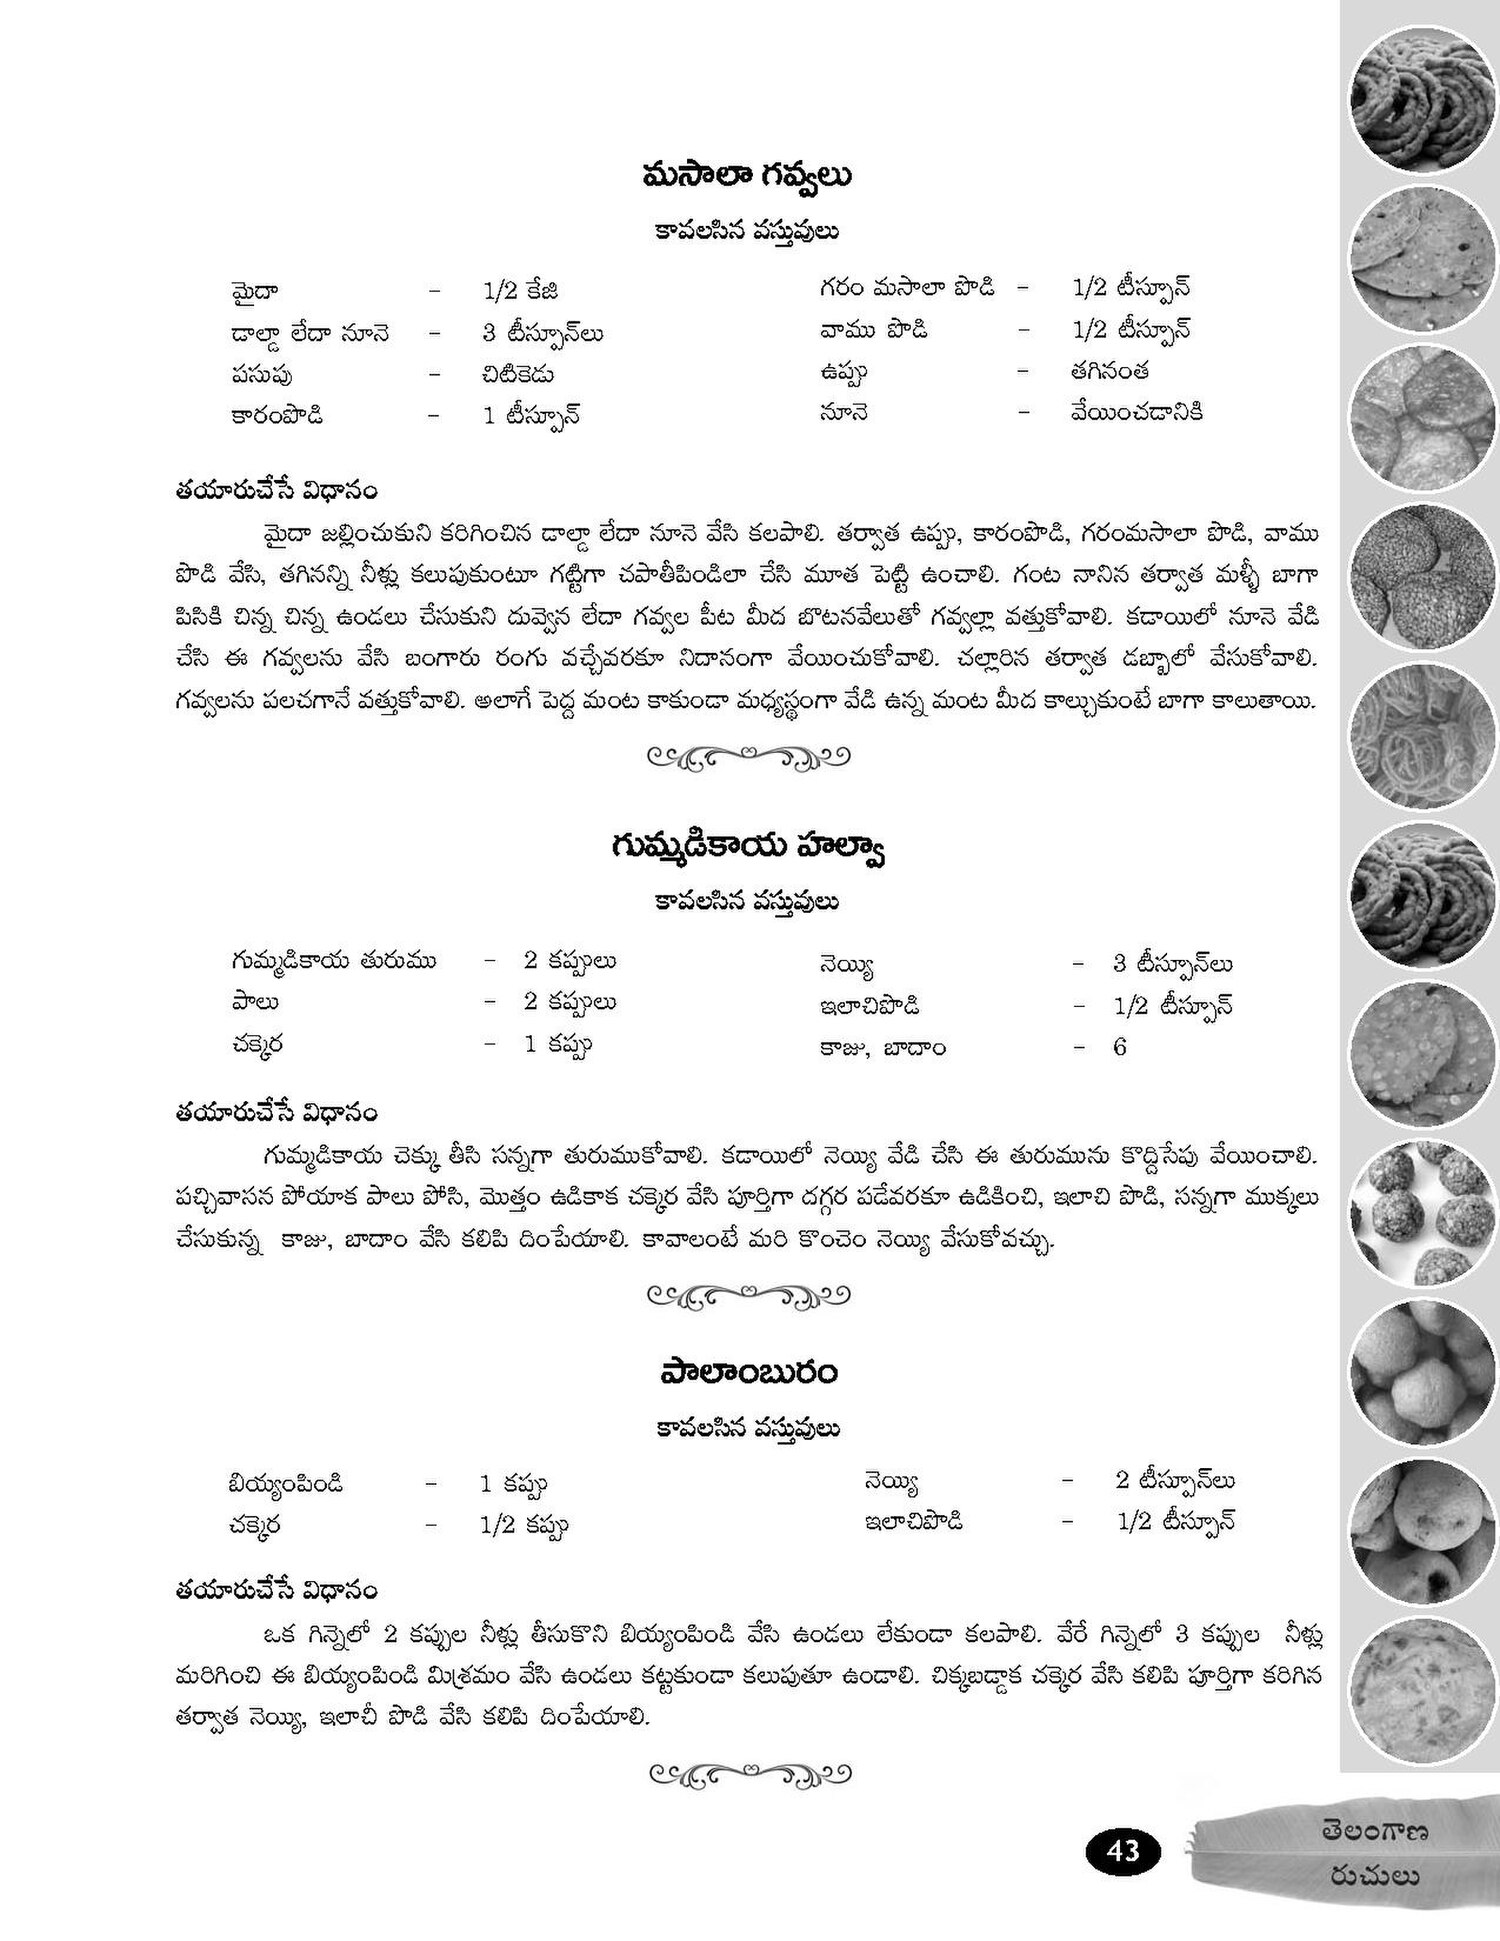+ కావలసిన వస్తువులు మైదా 1/2 కేజి. నూనె వేయించడానికి గరం మసాలా పొడి 1/2 టీస్పూన్. డాల్డా లేదా నూనె 3 టీస్పూన్లు వాము పొడి 1/2 టీస్పూన్ పసుపు చిటికెడు ఉప్పు తగినంత కారం పొడి 1 టీస్పూన్

తయారుచేసే విధానం 

మైదా జల్లించుకుని కరిగించిన డాల్డా లేదా నూనె వేసి కలపాలి. తర్వాత ఉప్పు, కారంపొడి, గరంమసాలా పొడి, వాము
పొడి వేసి, తగినన్ని నీళ్లు కలుపుకుంటూ గట్టిగా చపాతీపిండిలా చేసి మూత పెట్టి ఉంచాలి. గంట నానిన తర్వాత మళ్ళీ బాగా పిసికి చిన్న చిన్న ఉండలు చేసుకుని దువ్వెన లేదా గవ్వల పీట మీద బొటనవేలుతో గవ్వల్లా వత్తుకోవాలి. కడాయిలో నూనె వేడి చేసి ఈ గవ్వలను వేసి బంగారు రంగు వచ్చేవరకూ నిదానంగా వేయించుకోవాలి. చల్లారిన తర్వాత డబ్బాలో వేసుకోవాలి. గవ్వలను పలచగానే వత్తుకోవాలి. అలాగే పెద్ద మంట కాకుండా మధ్యస్థంగా వేడి ఉన్న మంట మీద కాల్చుకుంటే బాగా కాలుతాయి.

+ కావలసిన వస్తువులు గుమ్మడికాయ తురుము 2 కప్పులు కాజు, బాదం 6 ఇలాచిపొడి 1/2 టీస్పూన్ నెయ్యి 3 టీస్పూన్లు పాలు 2 కప్పులు చక్కెర 1 కప్పు

తయారుచేసే విధానం 

గుమ్మడికాయ చెక్కు తీసి సన్నగా తురుముకోవాలి. కడాయిలో నెయ్యి వేడి చేసి ఈ తురుమును కొద్దిసేపు వేయించాలి.
పచ్చివాసన పోయాక పాలు పోసి, మొత్తం ఉడికాక చక్కెర వేసి పూర్తిగా దగ్గర పడేవరకూ ఉడికించి, ఇలాచి పొడి, సన్నగా ముక్కలు చేసుకున్న కాజు, బాదాం వేసి కలిపి దింపేయాలి. కావాలంటే మరి కొంచెం నెయ్యి వేసుకోవచ్చు.

+ కావలసిన వస్తువులు బియ్యంపిండి 1 కప్పు ఇలాచిపొడి 1/2 టీస్పూన్ చక్కెర 1/2 కప్పు నెయ్యి 2 టీస్పూన్లు

తయారుచేసే విధానం 

ఒక గిన్నెలో 2 కప్పుల నీళ్లు తీసుకొని బియ్యంపిండి వేసి ఉండలు లేకుండా కలపాలి. వేరే గిన్నెలో 3 కప్పుల నీళ్లు
మరిగించి ఈ బియ్యంపిండి మిశ్రమం వేసి ఉండలు కట్టకుండా కలుపుతూ ఉండాలి. చిక్కబడ్డాక చక్కెర వేసి కలిపి పూర్తిగా కరిగిన తర్వాత నెయ్యి, ఇలాచీ పొడి వేసి కలిపి దింపేయాలి.